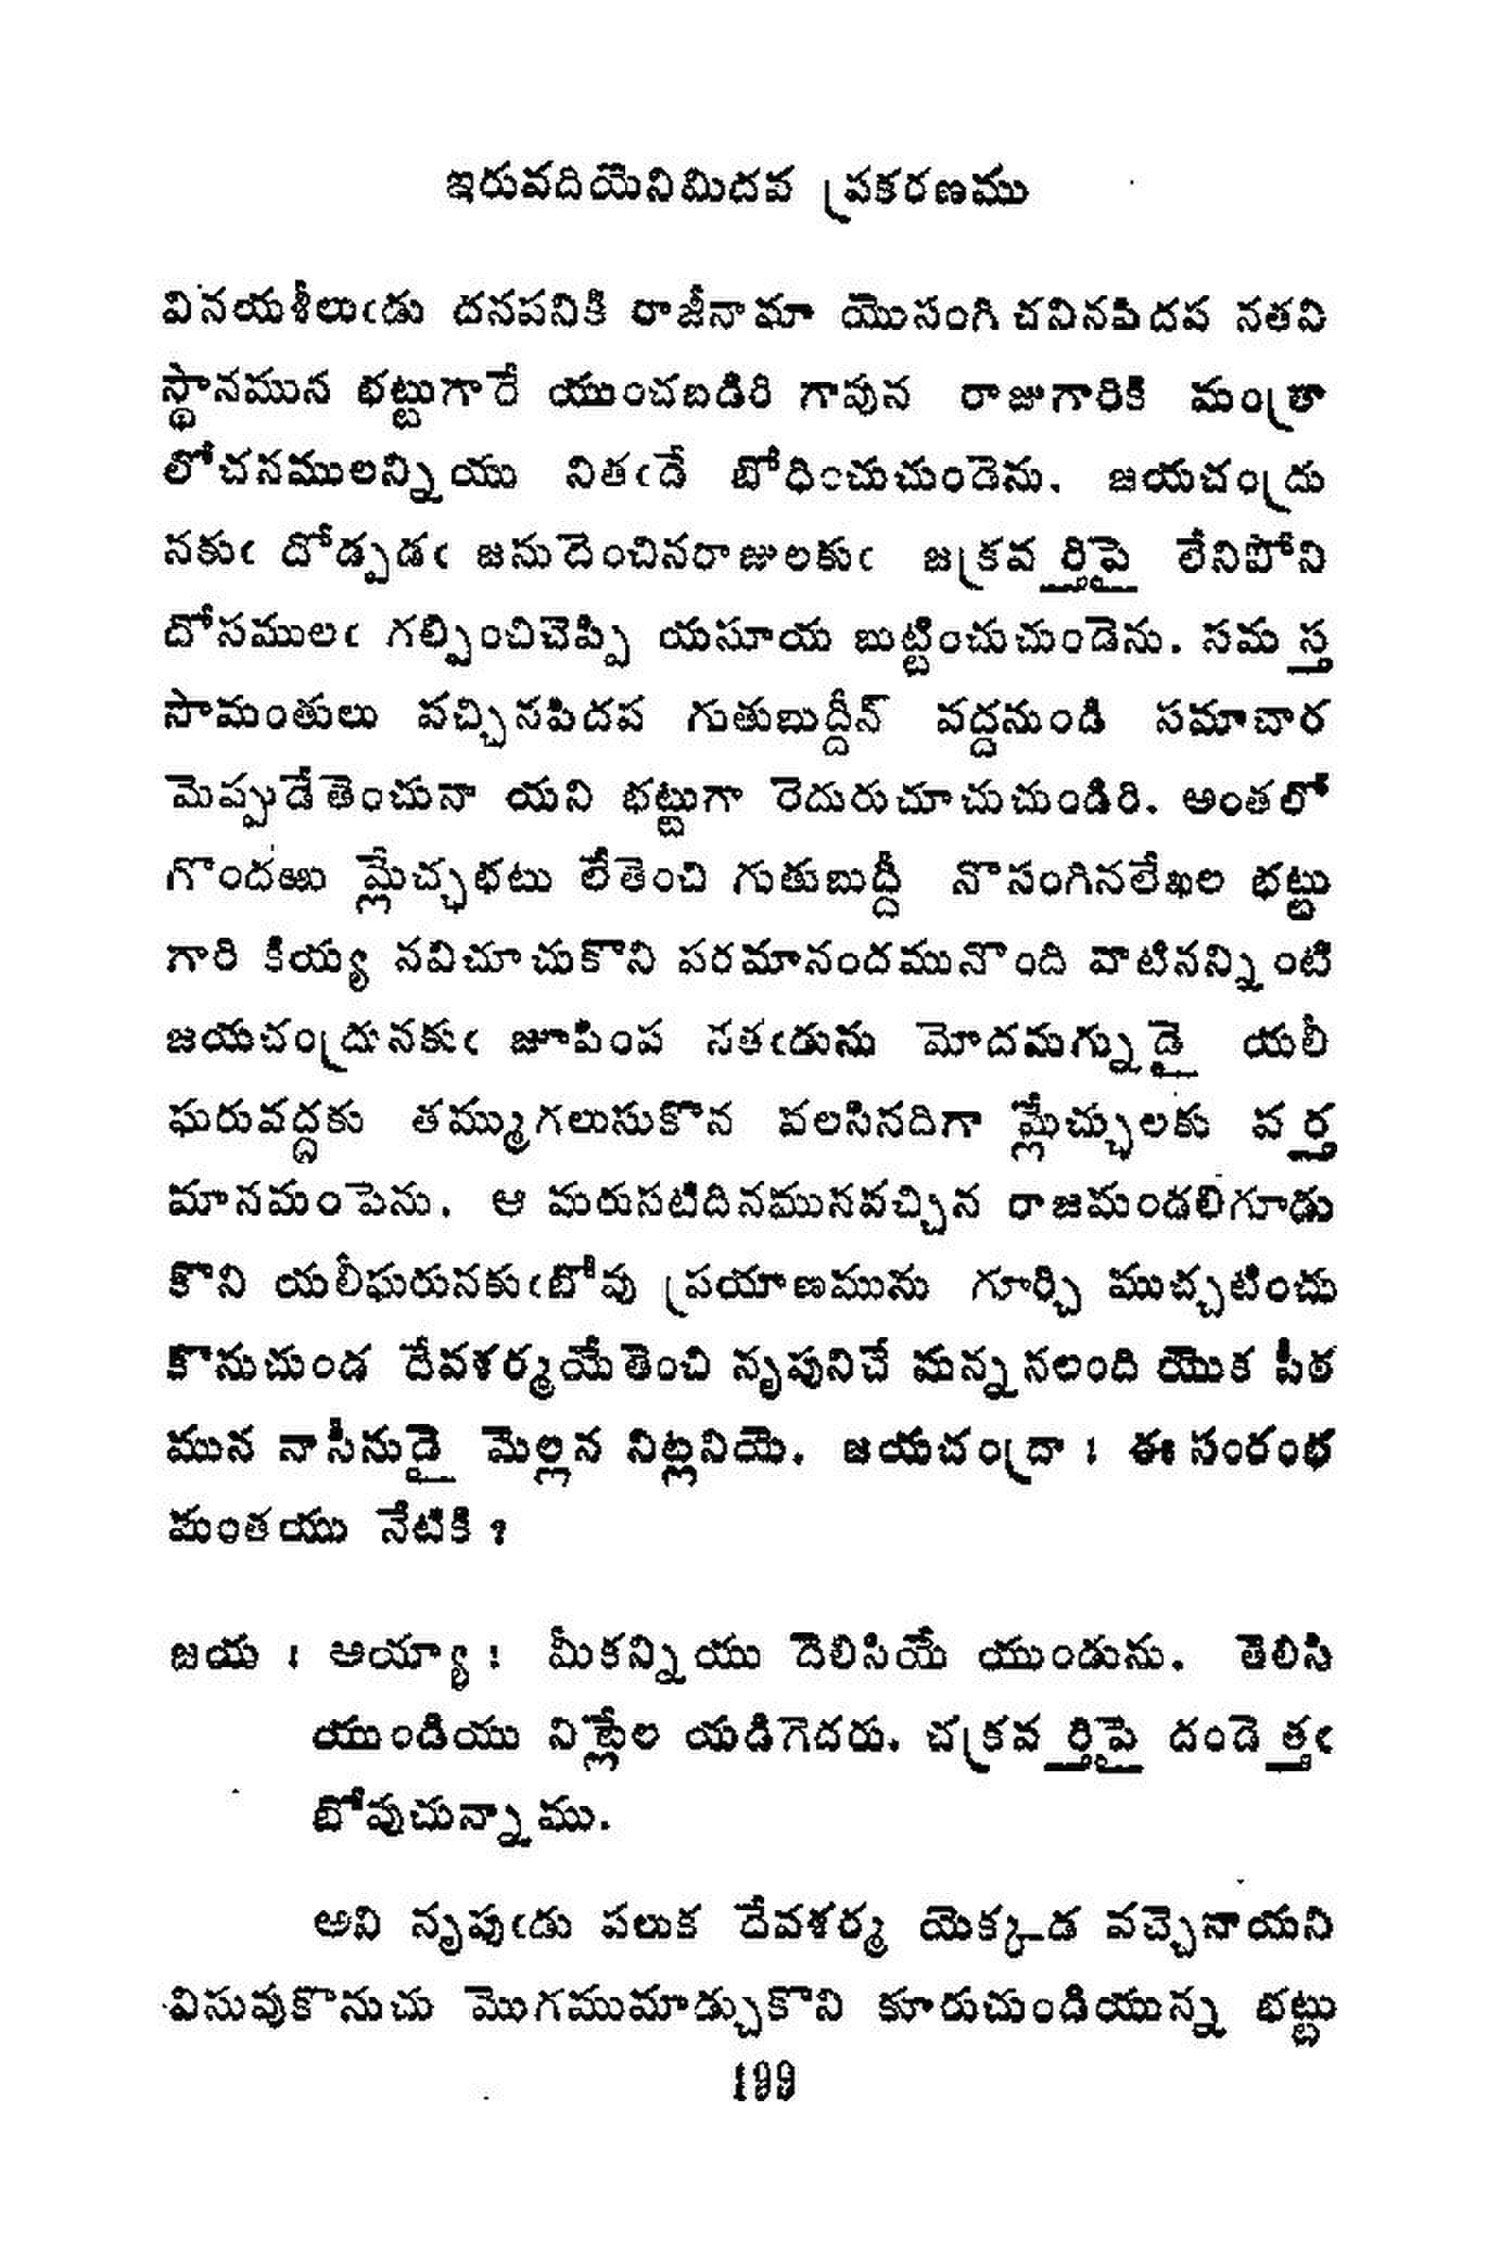వినయశీలుఁడు దనపనికి రాజీనామా యొసంగి చనినపిదప నతని స్థానమున భట్టుగారే యుంచబడిరి గావున రాజుగారికి మంత్రాలోచనములన్నియు నితఁడే బోధించుచుండెను. జయచంద్రునకుఁ దోడ్పడఁ జనుదెంచినరాజులకుఁ జక్రవర్తిపై లేనిపోని దోసములఁ గల్పించిచెప్పి యసూయ బుట్టించుచుండెను. సమస్త సామంతులు వచ్చినపిదప గుతుబుద్దీన్ వద్దనుండి సమాచార మెప్పుడేతెంచునా యని భట్టుగా రెదురుచూచుచుండిరి. అంతలో గొందఱు మ్లేచ్చభటు లేతెంచి గుతుబుద్దీ నొసంగినలేఖల భట్టుగారి కియ్య నవిచూచుకొని పరమానందమునొంది వాటినన్నింటి జయచంద్రునకుఁ జూపింప సతఁడును మోదమగ్నుడై యలీఘరువద్దకు తమ్ముగలుసుకొన వలసినదిగా మ్లేచ్చులకు వర్తమానమంపెను. ఆ మరుసటిదినమునవచ్చిన రాజమండలిగూడు కొని యలీఘరునకుఁబోవు ప్రయాణమును గూర్చి ముచ్చటించు కొనుచుండ దేవశర్మయేతెంచి నృపునిచే మన్ననలంది యొక పీఠమున నాసీనుడై మెల్లన నిట్లనియె. జయచంద్రా ! ఈ సంరంభ మంతయు నేటికి? 

జయ! అయ్యా! మీకన్నియు దెలిసియే యుండును. తెలిసి యుండియు నిట్లేల యడిగెదరు. చక్రవర్తిపై దండెత్తం బోవుచున్నాము. 

అని నృపుఁడు పలుక దేవశర్మ యెక్కడ వచ్చెనాయని విసువుకొనుచు మొగముమాడ్చుకొని కూరుచుండియున్న భట్టు